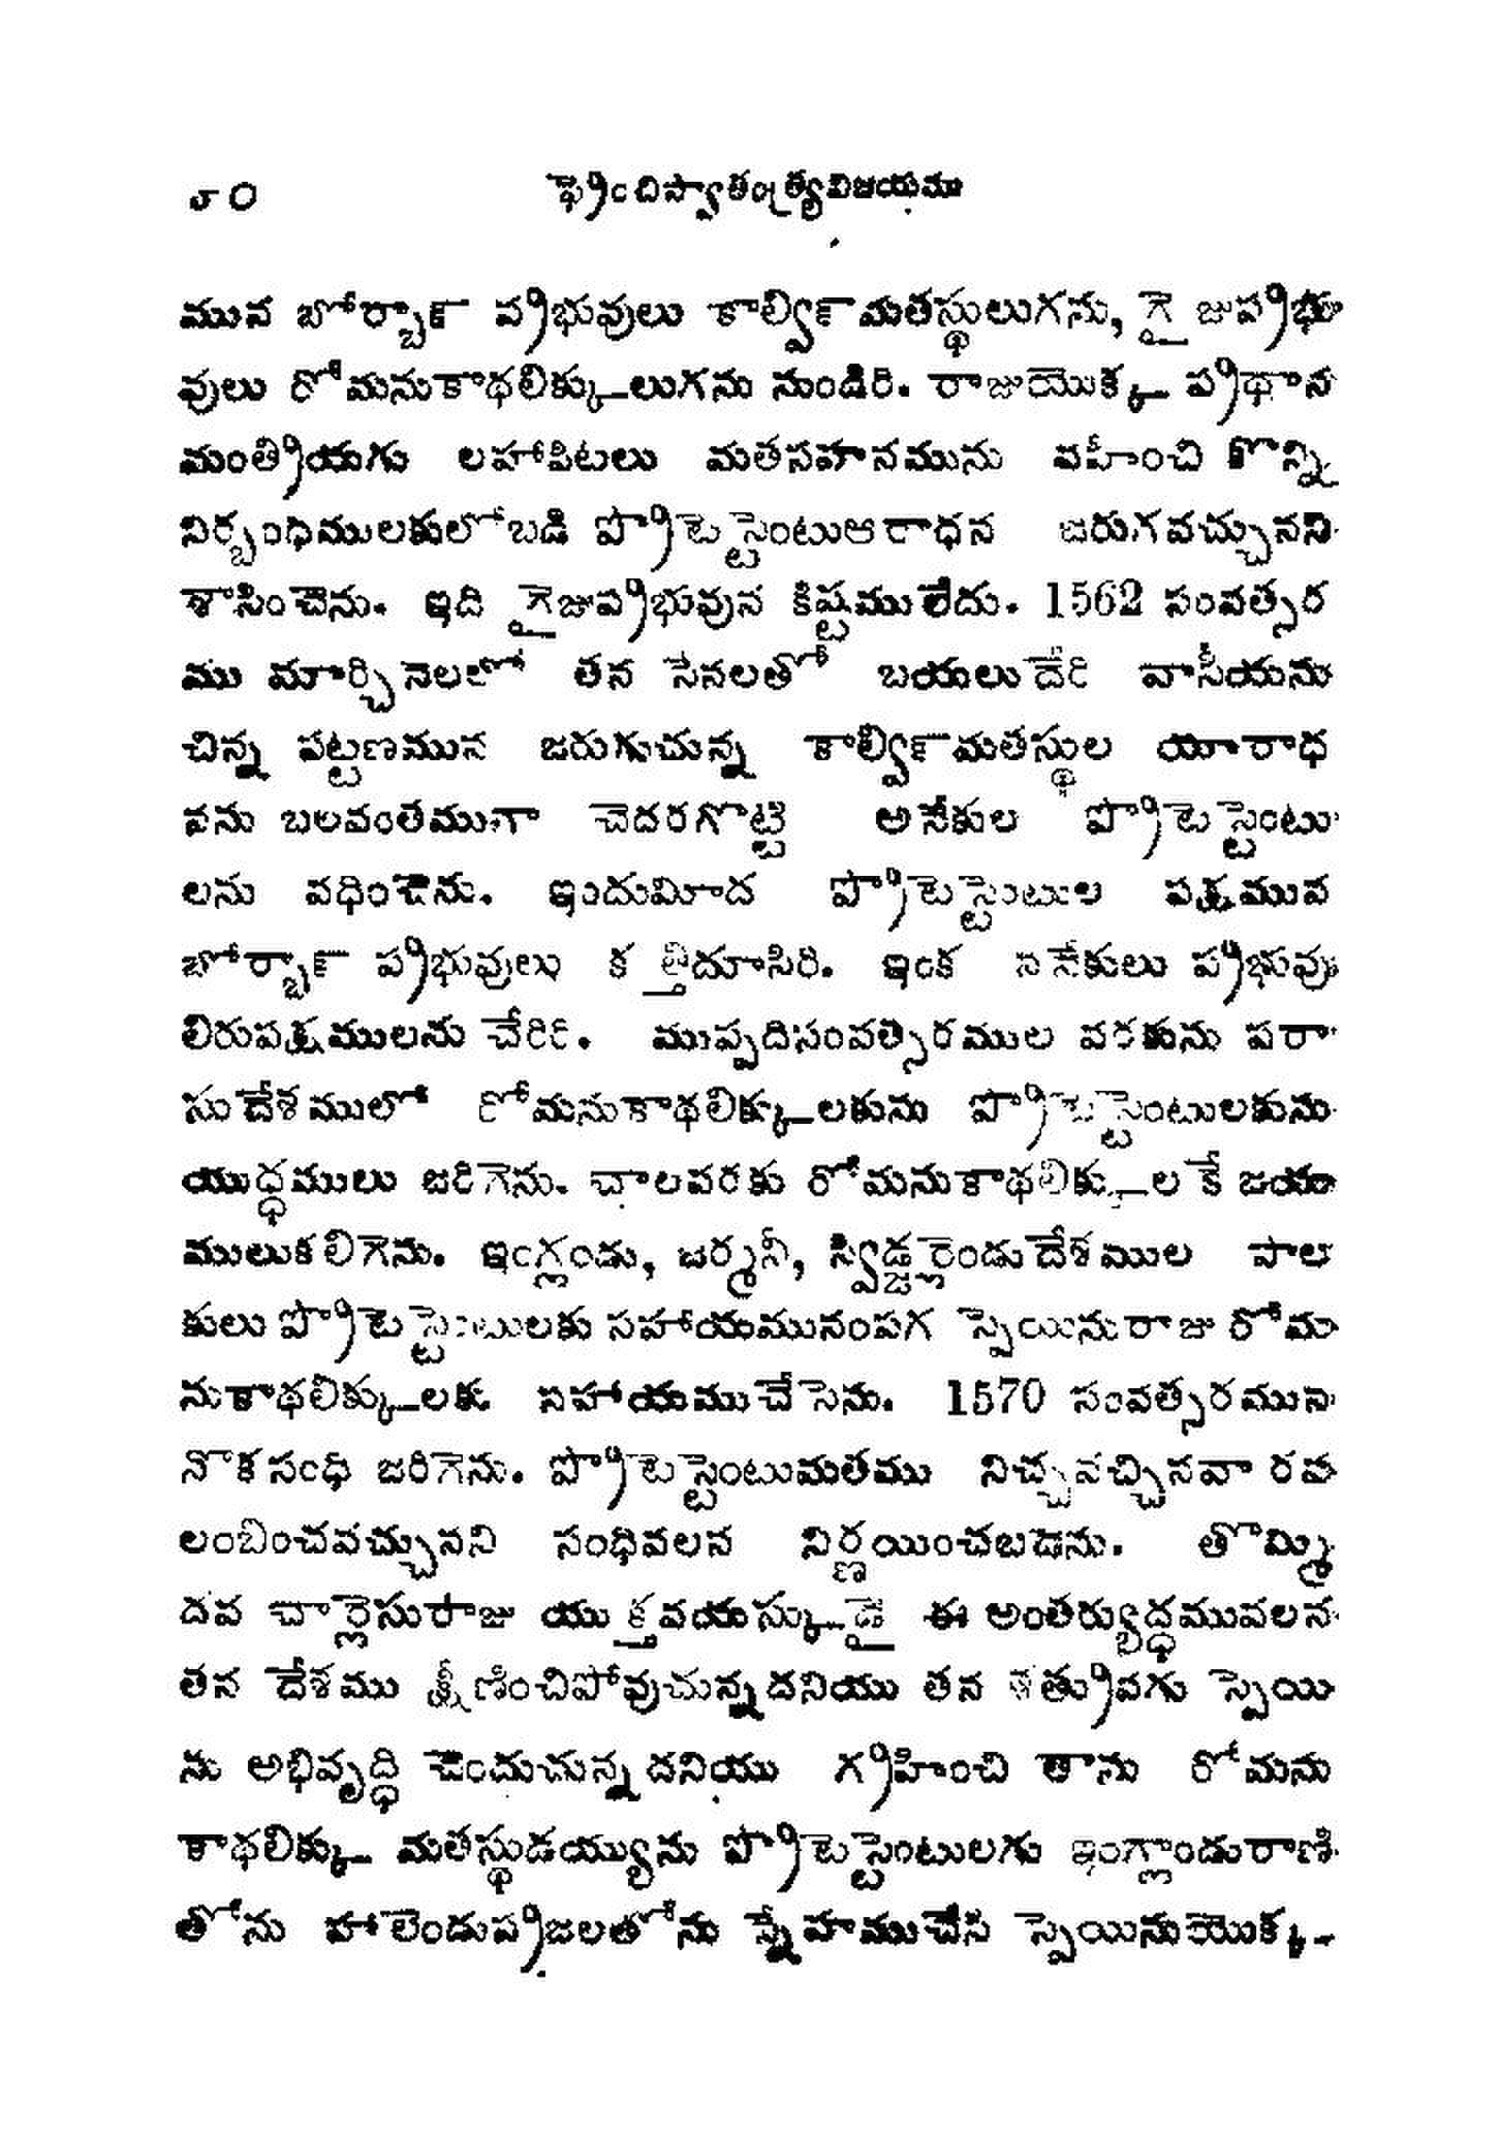మున బోర్బాన్" ప్రభువులు కాల్విన్ మతస్థులుగను, గైజుప్రభు
వులు రోమను కాథలిక్కులుగను నుండిరి. రాజు యొక్క ప్రధాన
మంత్రి యగు లహాపిటలు మత సహనమును పహించి కొన్ని,
నిర్బంధములకు లోబడి ప్రొటస్టెంటుల ఆరాధన జరుగవచ్చునని
శాసించెను. ఇది గైజు ప్రభువున కిష్టము లేదు. 1562 సంవత్సర
ము మార్చి నెలలో తన సేనలతో బయలుదేరి వాసీయను
చిన్న పట్టణమున జరుగుచున్న కాల్విన్ మతస్థుల యారాధ
నను బలవంతముగా చెదరగొట్టి అనేకుల 'ప్రొటెస్టెంటు
లను వధించెను, ఇందుమీద ప్రొటెస్టెటుల పక్షమువ
బోర్బాన్ ప్రభువులు కత్తిదూసిరి. ఇంక ననేకులు ప్రభువు
లిరు పక్షములను చేరిరి. ముప్పది సంవత్సరముల వరకును పరా
సు దేశములో రోమను కాథలిక్కులకుసు ప్రొటస్టెంటులకును
యుద్ధములు జరిగెను. చాలవరకు రోమసు కాథలిక్కులకే జయ
ములు కలిగెను. ఇంగ్లండు, జర్మనీ, స్విడ్జర్లెండు దేశముల
కులు ప్రొటెస్టెంటులకు సహాయమునంపగ స్పెయిను రాజు రోమ
నుకాథలిక్కులకు సహాయము చేసెను. 1570 సంవత్సరమున
నొక సంధి జరిగెను. పొటెస్టెంటు మతము నిచ్చవచ్చిన వారప
లంబించ వచ్చునని సంధివలన నిర్ణయించబడెను. తొమ్మి
దవ చార్లెసురాజు యుక్త వయస్కుడై ఈ అంతర్యుద్ధమువలన
తన దేశము క్షీణించిపోవుచున్నదనియు తన శత్రువగు స్పెయి
సు అభివృద్ధి చెందుచున్న దనియు గ్రహించి తాను రోమను
కాథలిక్కు మతస్థుడయ్యును ప్రొటెస్టెంటులగు ఇంగ్లాండు రాణి
తోను హాలెండు ప్రజలతోను స్నేహము చేసి స్పెయిను యొక్క